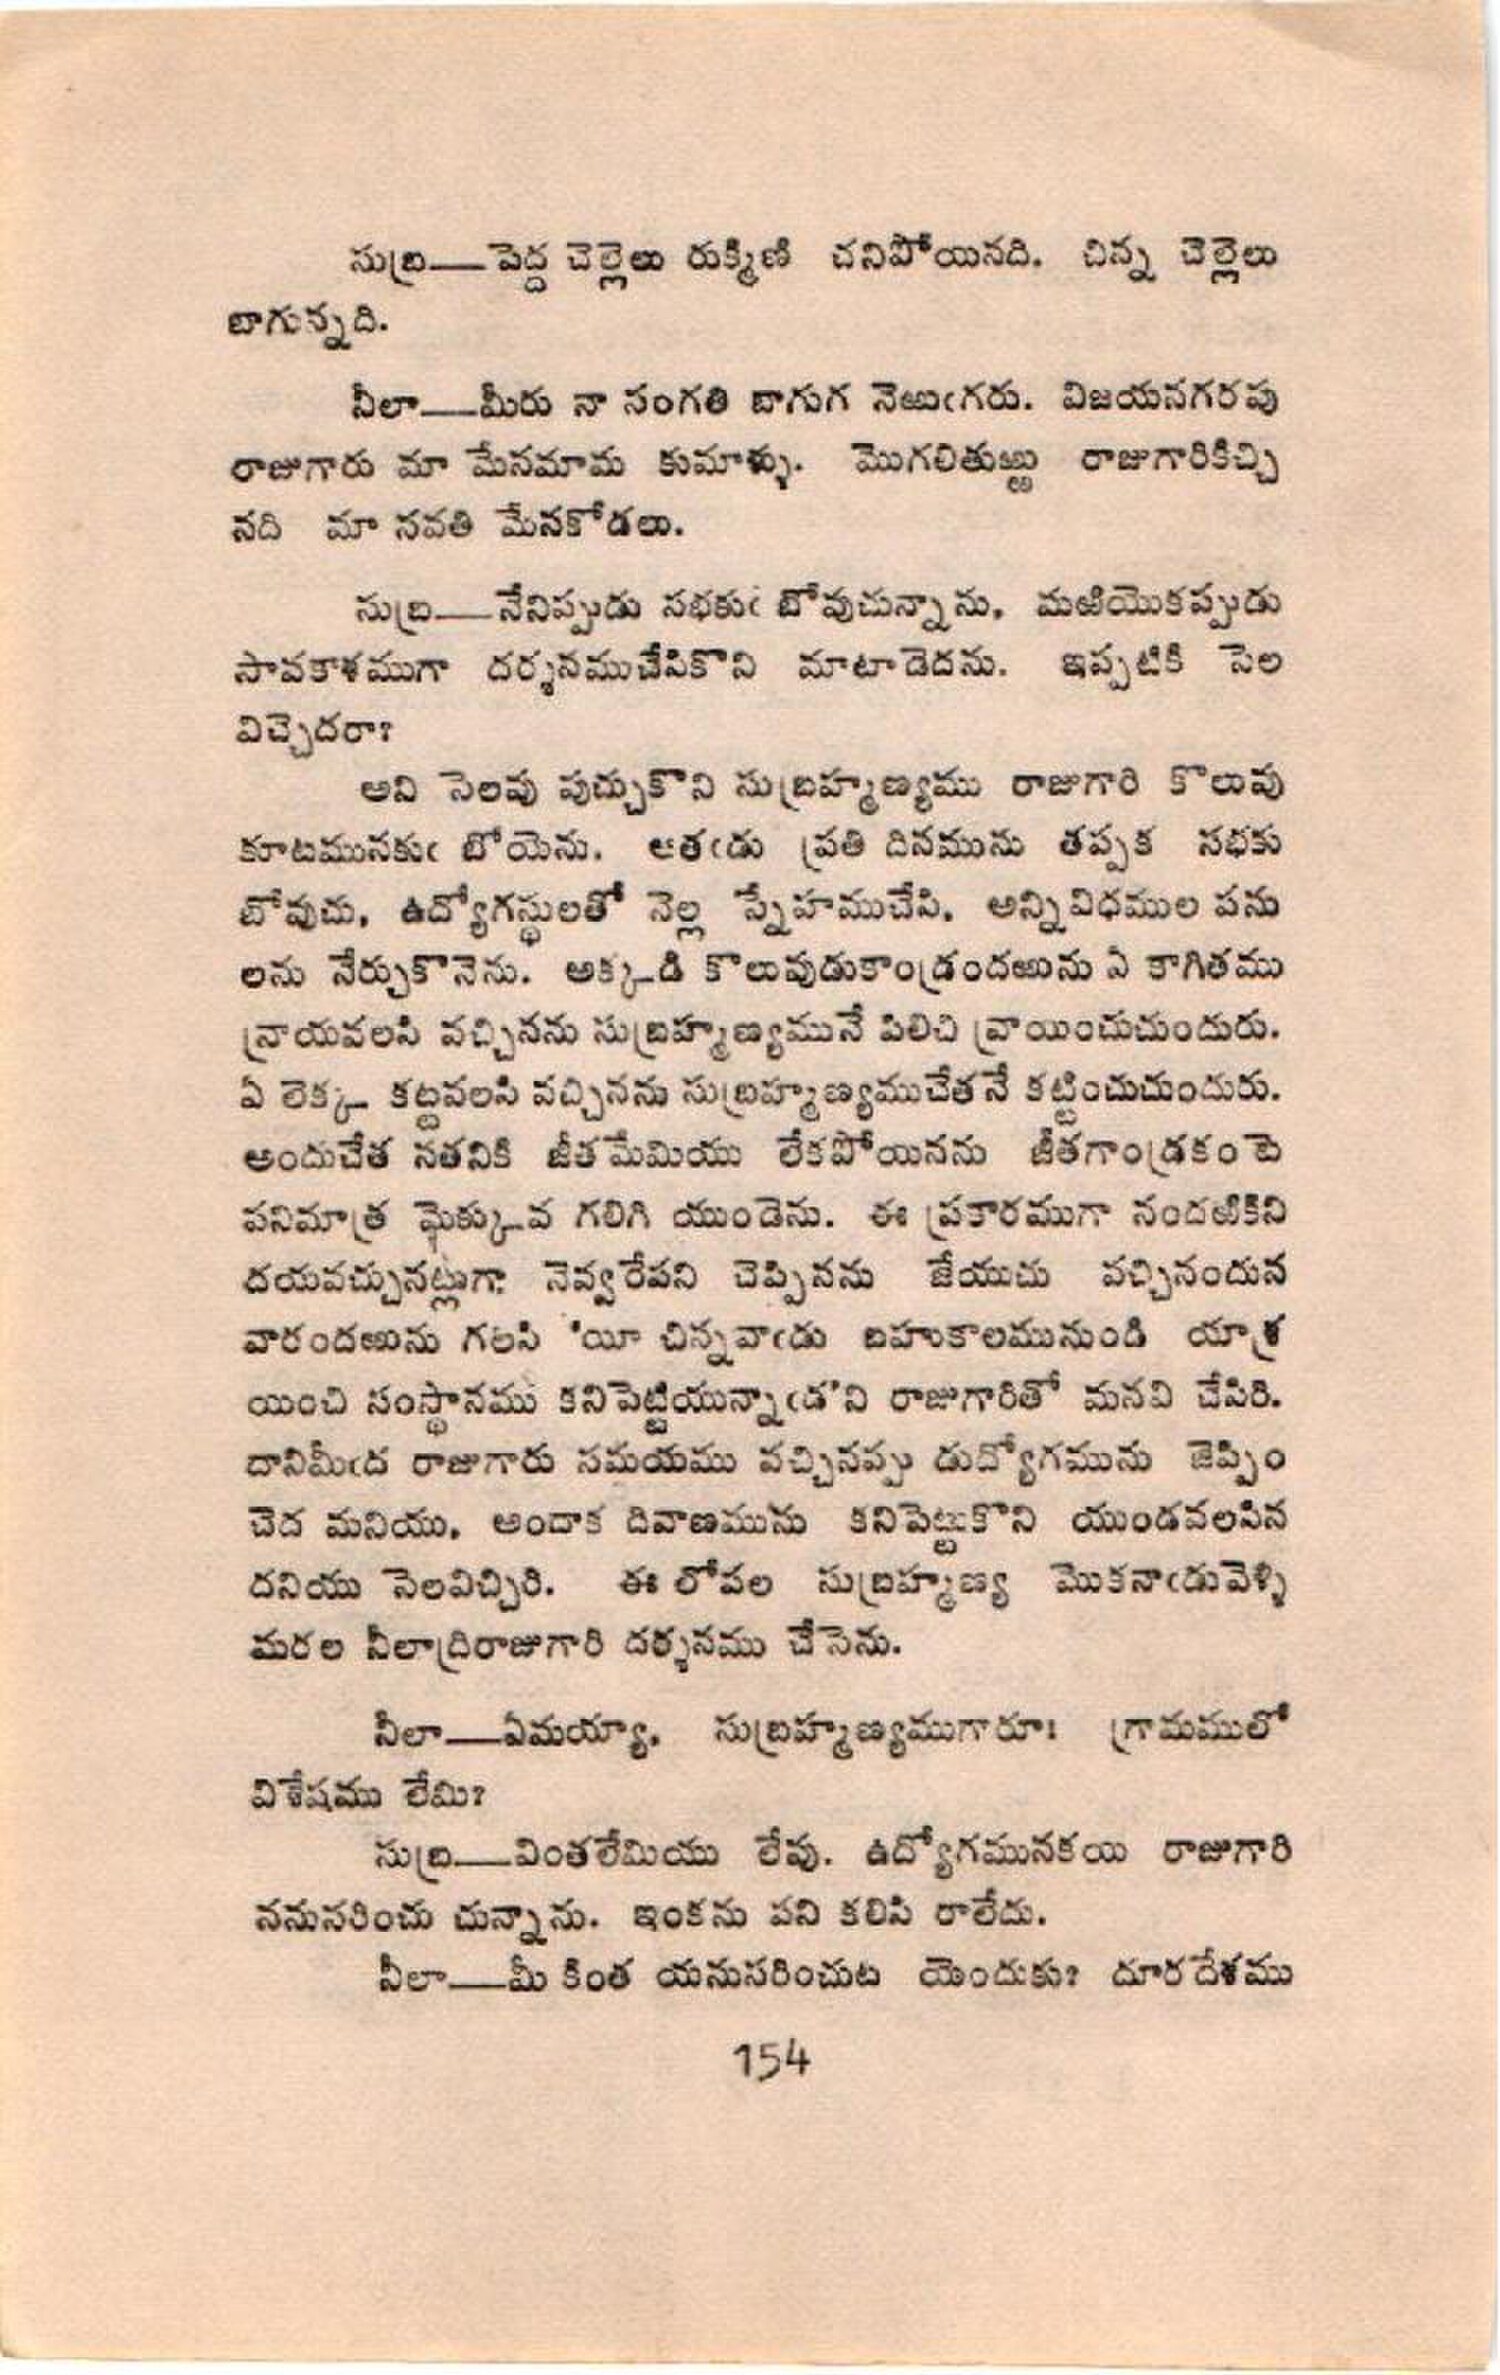సుబ్ర__పెద్ద చెల్లెలు రుక్మిణి చనిపోయినది. చిన్న చెల్లెలు బాగున్నది.

నీలా__మీరు నా సంగతి బాగుగ నెఱుఁగరు. విజయనగరపు రాజుగారు మా మేనమామ కుమాళ్ళు, మొగలితుఱ్ఱు రాజుగారికిచ్చి నది మా సవతి మేనకోడలు.

సుబ్ర__నేనిప్పుడు సభకు బోవుచున్నాను, మఱియొకప్పుడు సావకాశముగా దర్శనముచేసికొని మాటాడెదను. ఇప్పటికి సెల విచ్చెదరా?

అని సెలవు పుచ్చుకొని సుబ్రహ్మణ్యము రాజుగారి కొలువు కూటమునకుఁ బోయెను. అతఁడు ప్రతి దినమును తప్పక సభకు బోవుచు, ఉద్యోగస్థులతో నెల్ల స్నేహముచేసి, అన్నివిధముల పనులను నేర్చుకొనెను. అక్కడి కొలువుడుకాండ్రందఱును ఏ కాగితము వ్రాయవలసి వచ్చినను సుబ్రహ్మణ్యమునే పిలిచి వ్రాయించుచుందురు. ఏ లెక్క కట్టవలసి వచ్చినను సుబ్రహ్మణ్యముచేతనే కట్టించుచుందురు. అందుచేత నతనికి జీతమేమియు లేకపోయినను జీతగాండ్రకంటె పనిమాత్ర మెక్కువ గలిగి యుండెను. ఈ ప్రకారముగా నందఱికిని దయవచ్చునట్లుగా నెవ్వరేపని చెప్పినను జేయుచు వచ్చినందున వారందఱును గలసి "యీ చిన్నవాఁడు బహుకాలమునుండి యాశ్ర యించి సంస్థానము కనిపెట్టియున్నాడ”ని రాజుగారితో మనవి చేసిరి. దానిమీద రాజుగారు సమయము వచ్చినప్పు డుద్యోగమును జెప్పించెద మనియు, అందాక దివాణమును కనిపెట్టుకొని యుండవలసిన దనియు సెలవిచ్చిరి. ఈ లోపల సుబ్రహ్మణ్య మొకనాఁడు వెళ్ళి మరల నీలాద్రిరాజుగారి దర్శనము చేసెను.

నీలా__ఏమయ్యా, సుబ్రహ్మణ్యముగారూ! గ్రామములో విశేషము లేమి?

సుబ్ర__వింతలేమియు లేవు. ఉద్యోగమునకయి రాజుగారి ననుసరించు చున్నాను. ఇంకను పని కలిసి రాలేదు.

నీలా__మీ కింత యనుసరించుట యెందుకు? దూరదేశము